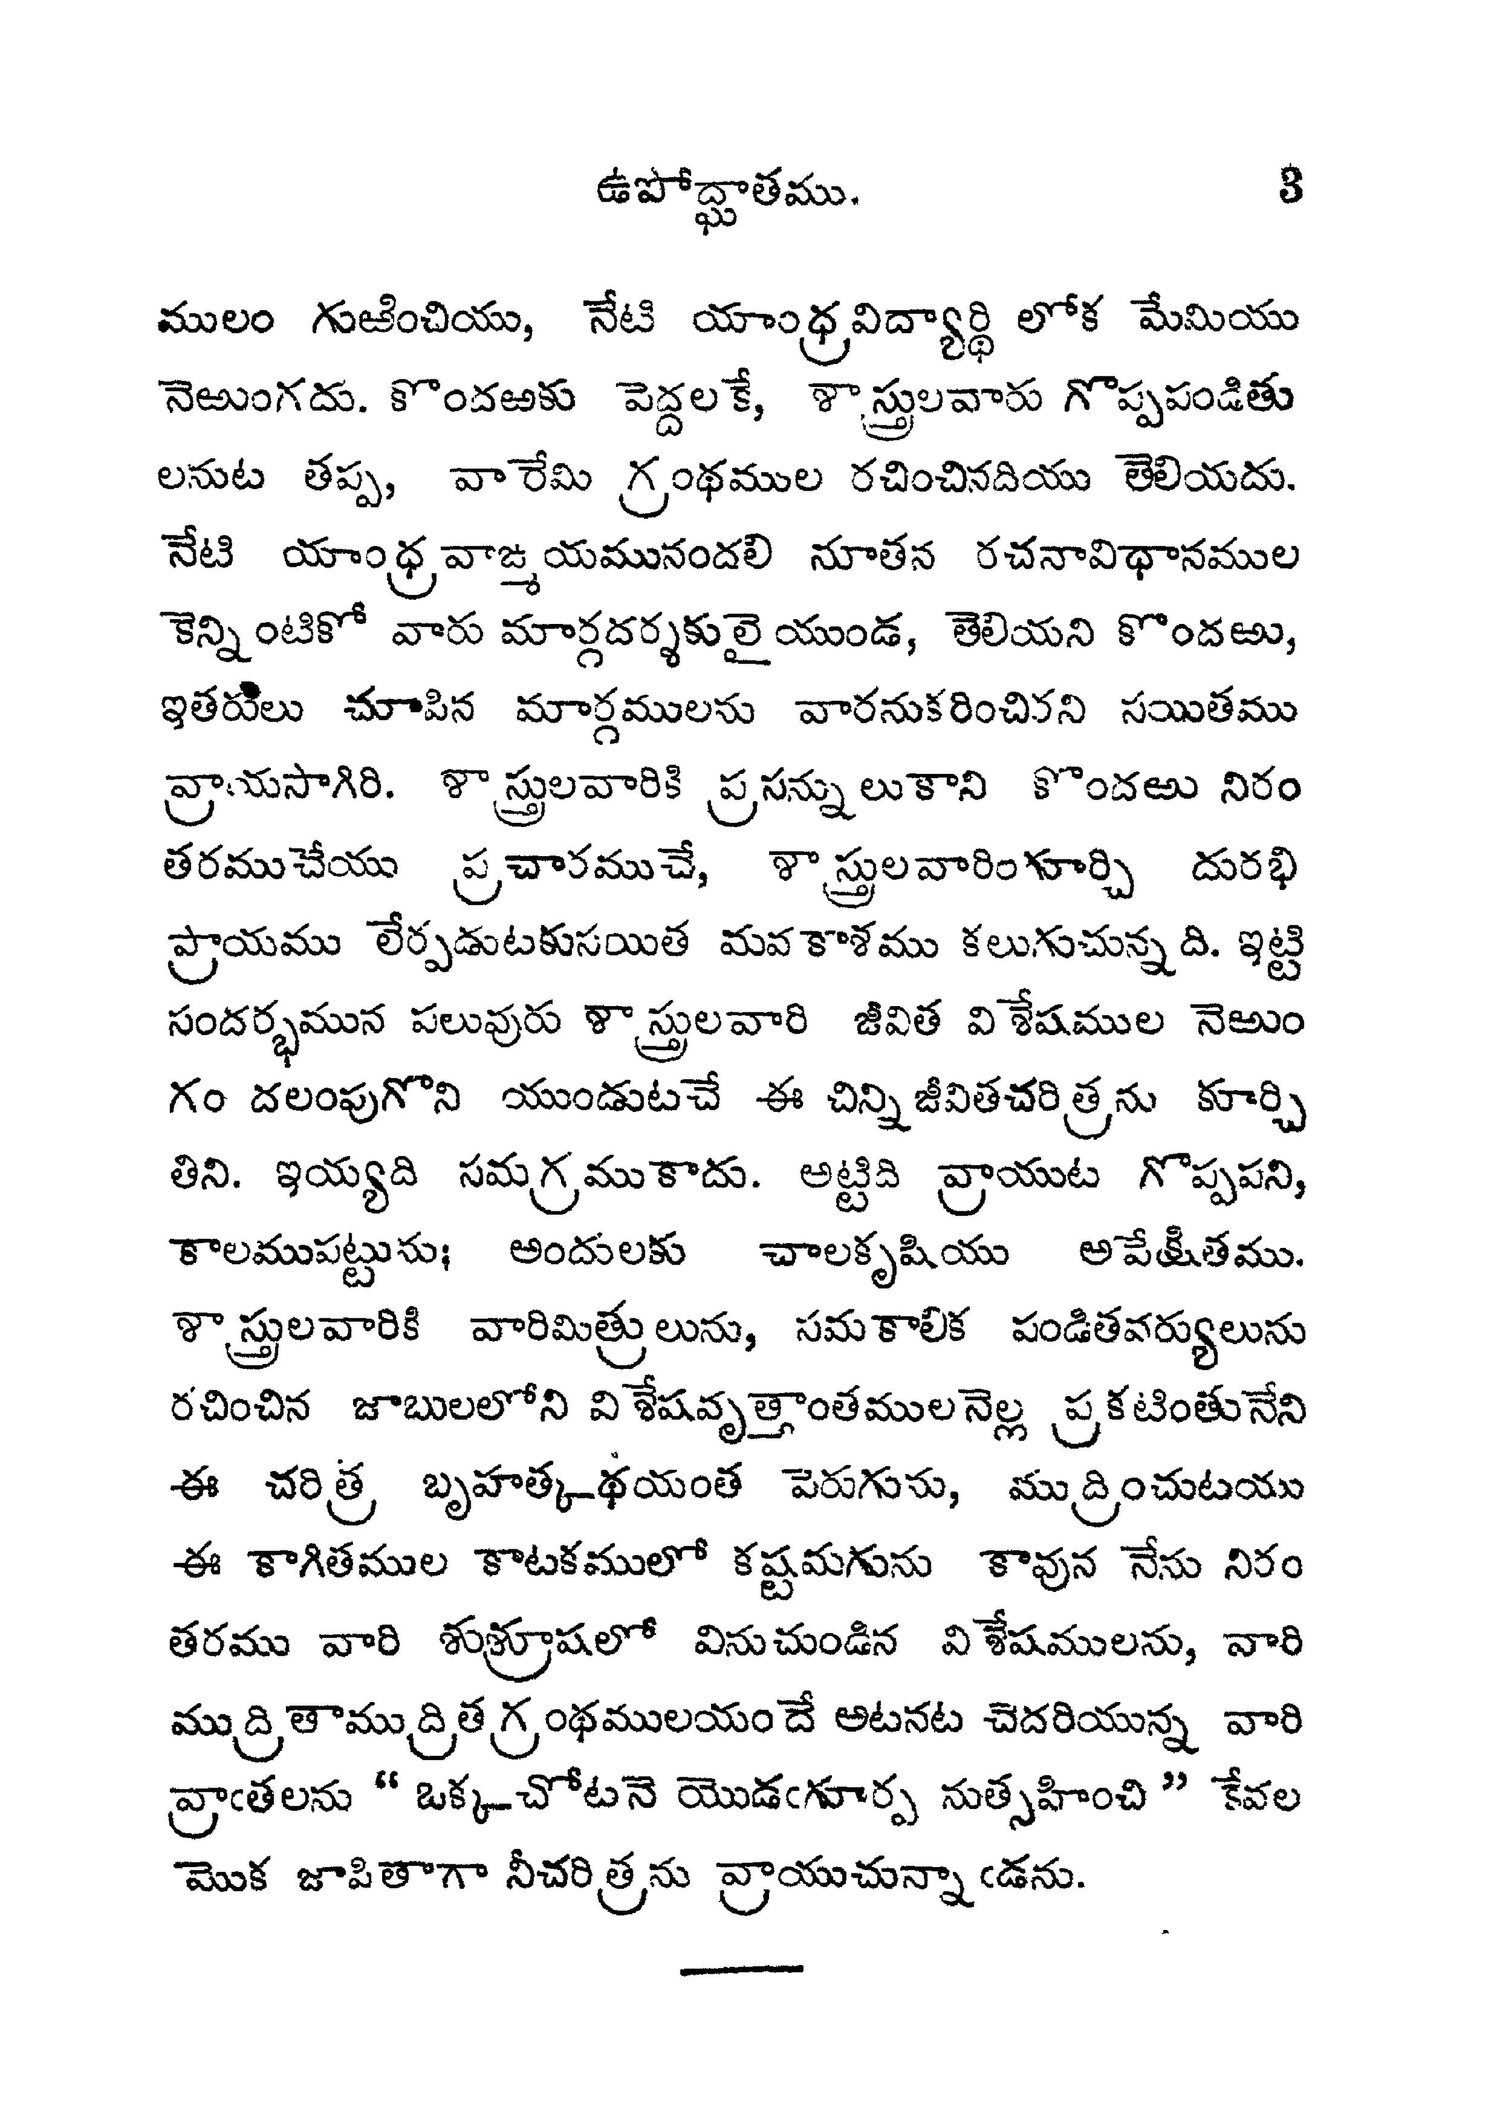ములం గుఱించియు, నేటి యాంధ్రవిద్యార్థి లోక మేమియు నెఱుంగదు. కొందఱకు పెద్దలకే, శాస్త్రులవారు గొప్పపండితులనుట తప్ప, వారేమి గ్రంథముల రచించినదియు తెలియదు. నేటి యాంధ్రవాఙ్మయమునందలి నూతన రచనావిధానముల కెన్నింటికో వారు మార్గదర్శకులై యుండ, తెలియని కొందఱు, ఇతరులు చూపిన మార్గములను వారనుకరించిరని సయితము వ్రాయసాగిరి. శాస్త్రులవారికి ప్రసన్నులుకాని కొందఱు నిరంతరముచేయు ప్రచారముచే, శాస్త్రులవారింగూర్చి దురభిప్రాయము లేర్పడుటకుసయిత మవకాశము కలుగుచున్నది. ఇట్టి సందర్భమున పలువురు శాస్త్రులవారి జీవిత విశేషముల నెఱుంగం దలంపుకొని యుండుటచే ఈ చిన్నిజీవితచరిత్రను కూర్చితిని ఇయ్యది సమగ్రముకాదు. అట్టిది వ్రాయుట గొప్పపని, కాలముపట్టును; అందులకు చాలకృషియు అపేక్షితము. శాస్త్రులవారికి వారిమిత్రులును, సమకాలిక పండితవర్యులును రచించిన జాబులలోని విశేషవృత్తాంతములనెల్ల ప్రకటింతునేని ఈ చరిత్ర బృహత్కథయంత పెరుగును, ముద్రించుటయు ఈ కాగితముల కాటకములో కష్టమగును కావున నేను నిరంతరము వారి శుశ్రూషలో వినుచుండిన విశేషములను, వారి ముద్రితాముద్రితగ్రంథములయందే అటనట చెదరియున్న వారి వ్రాతలను "ఒక్కచోటనె యొడగూర్ప నుత్సహించి" కేవలమొక జాపితాగా నీచరిత్రను వ్రాయుచున్నాడను.

_________